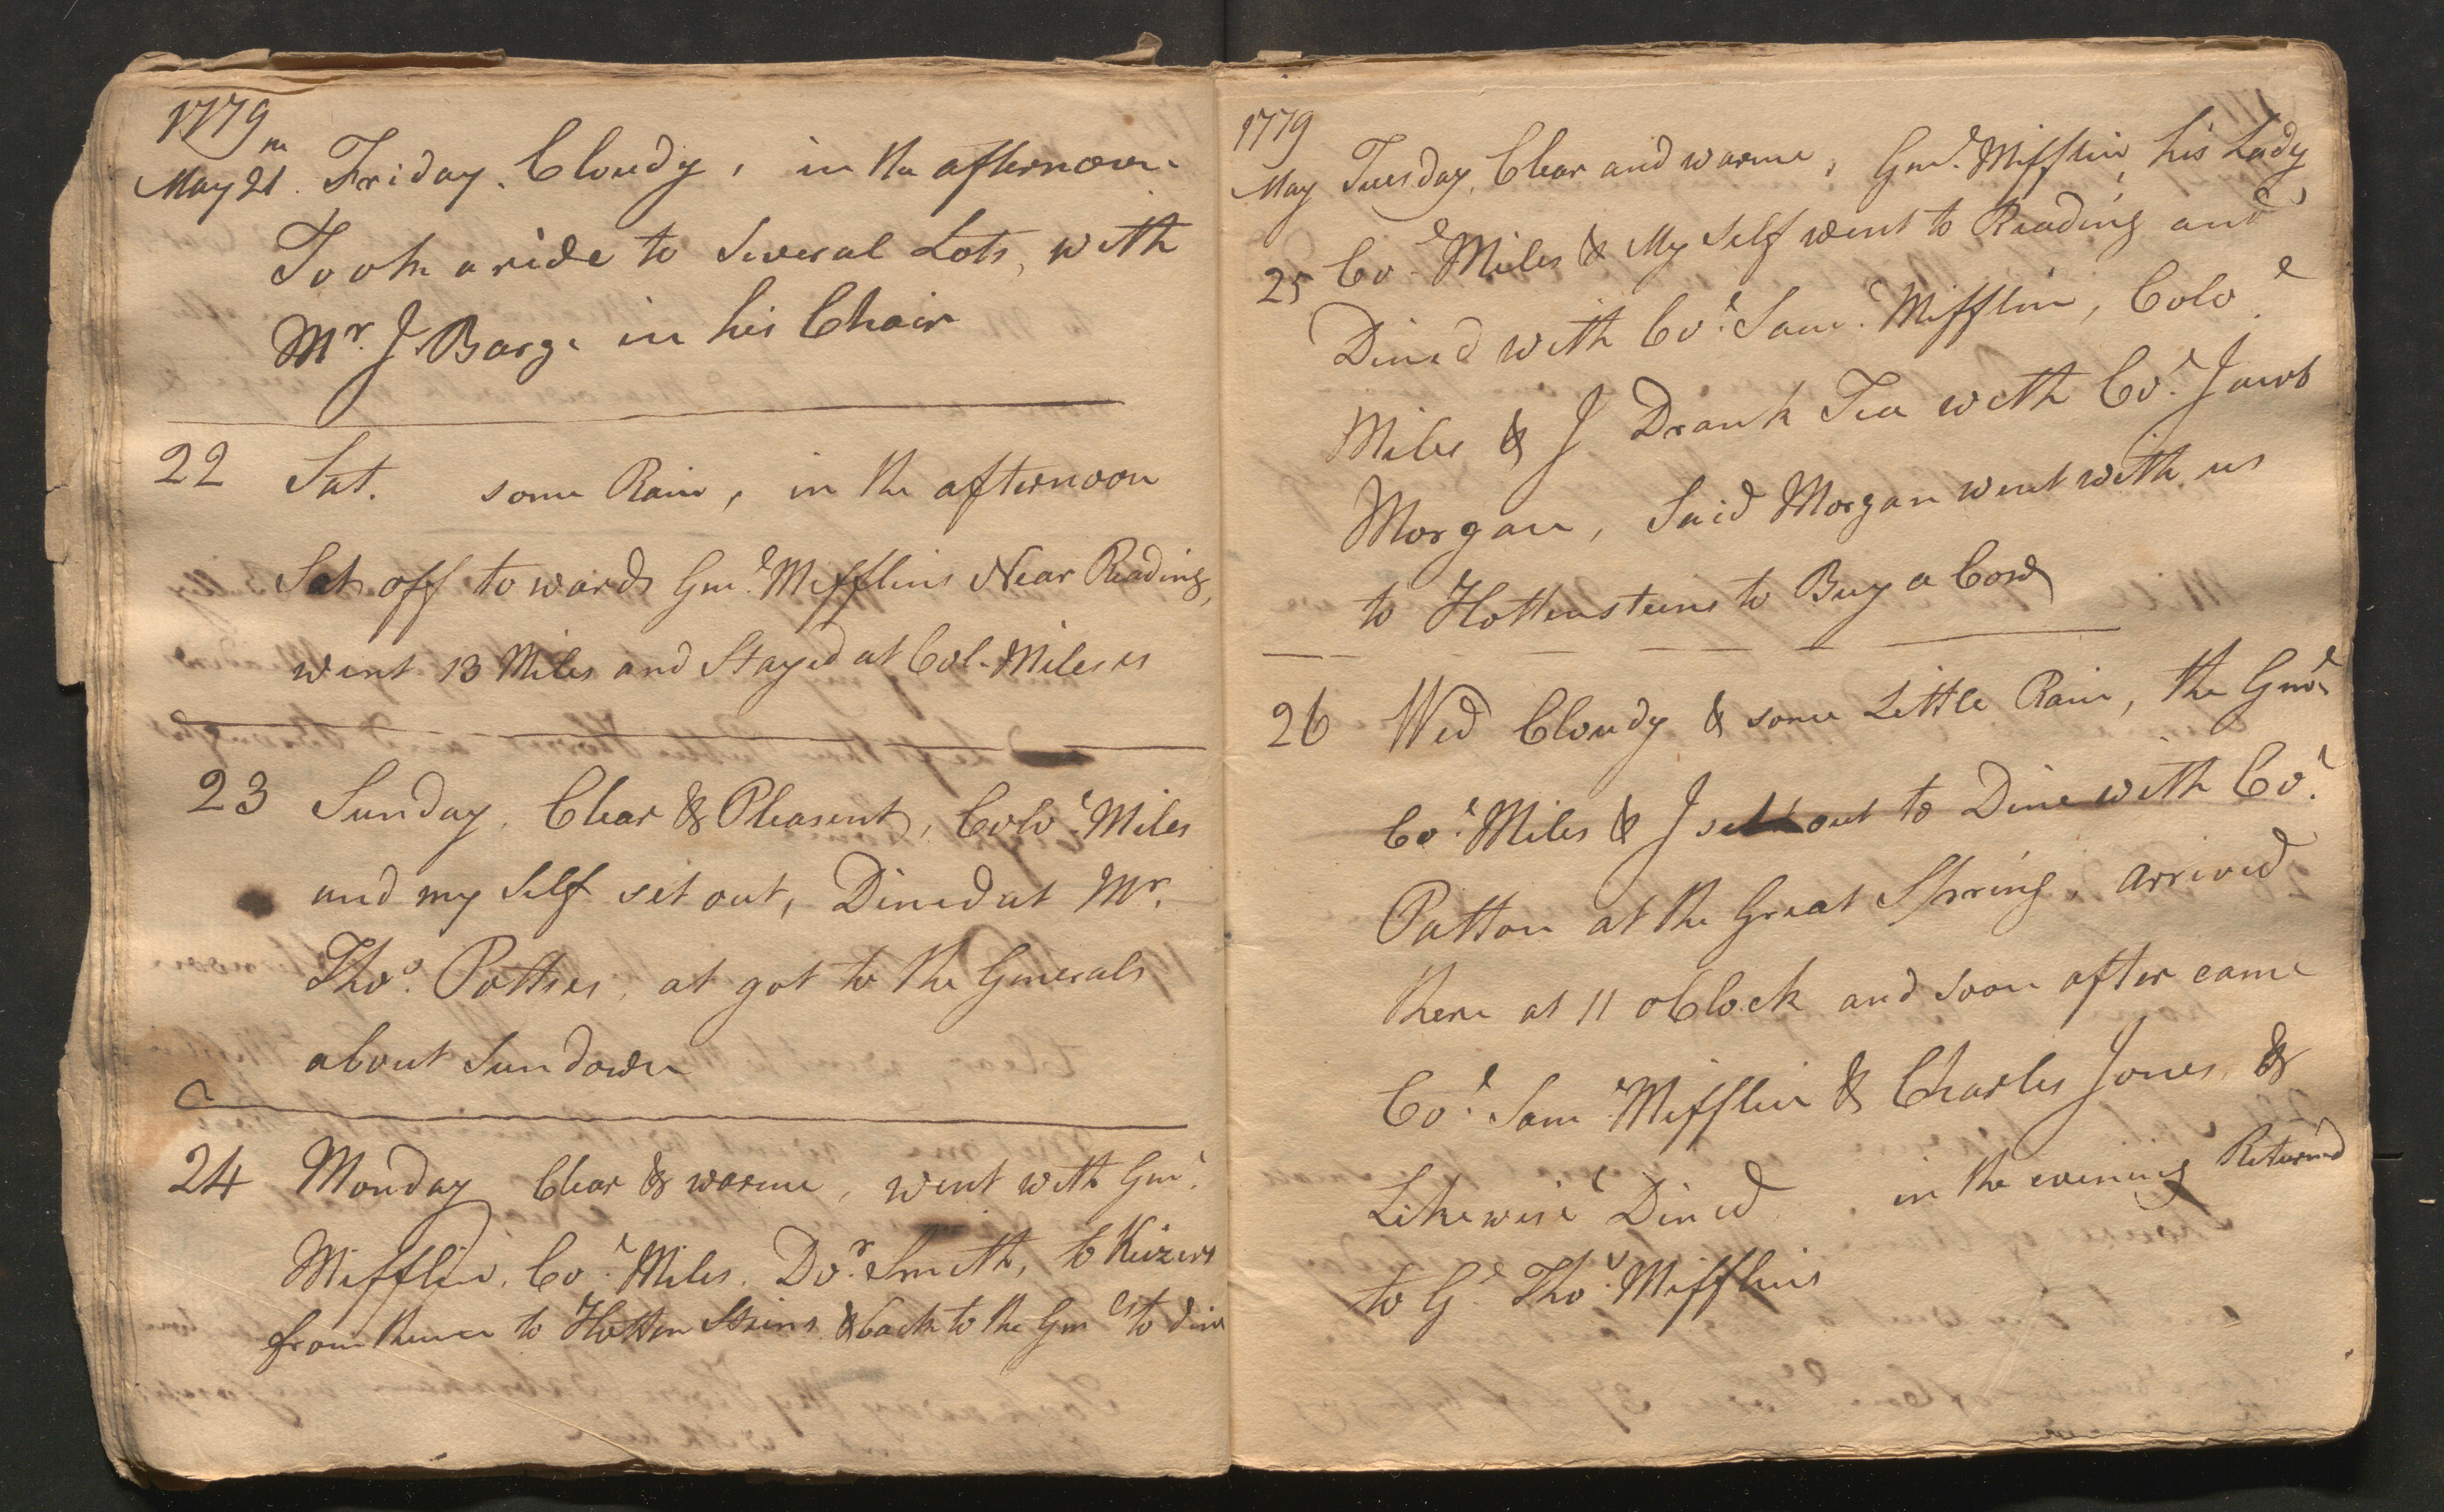1779
May 21^th. Friday. Cloudy, in the afternoon
Took a ride to Several Lots, with
M^r. J Barge in his Chair
22 Sat. some Rain, in the afternoon
Sat off to wards Gen^l. Mifflins Near Reading
went 18 Miles and Stayed at Col. Mileses
23 Sunday, Clear & Pleasent Colo^l. Miles
and my self set out, Dined at M^r.
Tho^s. Pottses; at got to the Generals
about Sundown
24 Monday Clear & warme, went with Gen^l.
Mifflin, Co^l. Miles, Do^r. Smith, to Kuzirs
from thence to Hothen Stines & back to the Gen^l to dine
1779
May Tuesday, Clear and warme, Gen^l. Mifflin his Lady
25 Co^l. Miles & My self went to Reading and
Dined with Co^l. Sam^l. Mifflin, Colo^l
Miles & I Drank Tea with Co^r. Jacob
Morgan, Said Morgan went with us
to Hottensteins to Buy a Cow.
26 Wed Cloudy & sone Little Rain, the Gen^l.
Co^l. Miles & I set out to Dine with Ev.
Patton at the Great Spring. Arrived
there at 11 oClock and soon after came
Co^l. Samr Mifflin & Charles Jones &
Likewise Dined- in the evenueg Returned
to G^l. Tho^s Mifflins